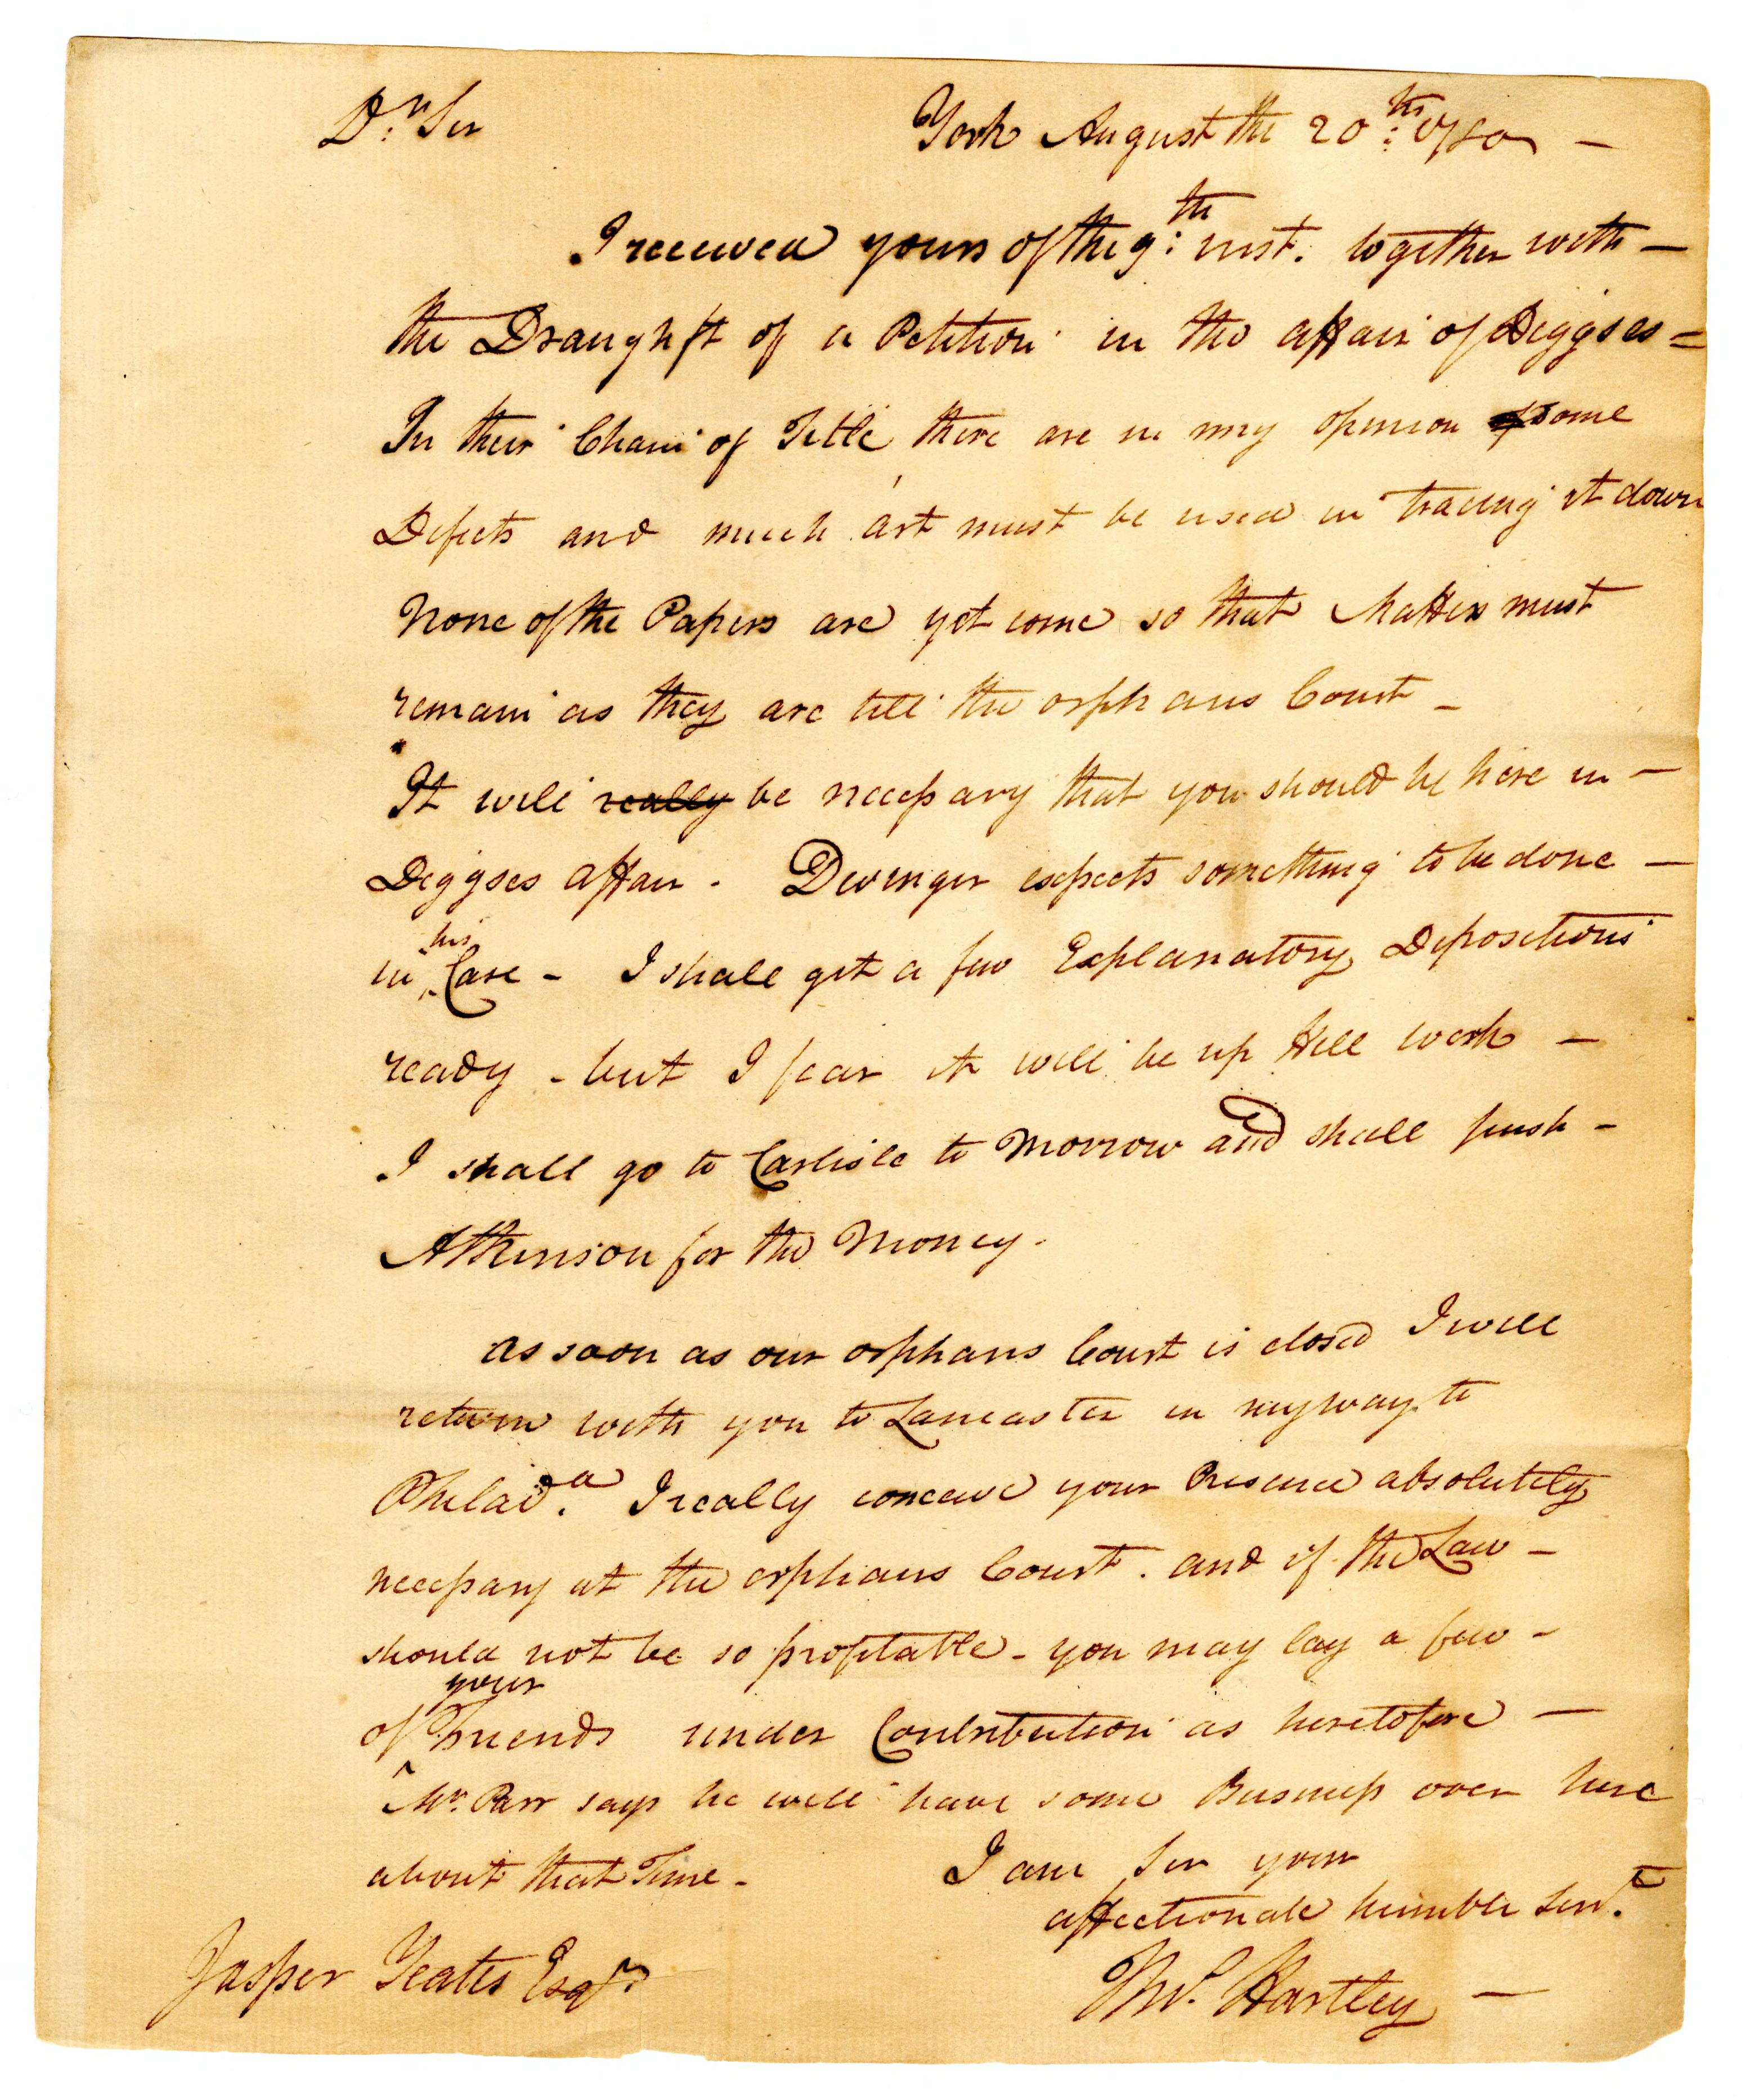York August the 20^th: 1780
D^r: Sir
I received yours of the 9^th last. together with
the Draught of a Petition in the affair of Deggses
In their Chain of Title there are in my opinion of some
Defects and much art must be used in tracing it down
none of the Papers are yet come so that Matters must
remain as they are till the ophans Court.
It will really be necessary that you should be here in
Deggses affair. Devenger expects something to be done
his
in ^ Case. I shall get a few Explanatory Depositions
ready but I fear it will be up Hill work.
I shall go to Carlisle to morrow and shall finish
Athenson for the money.
as soon as our orphans Court is closed I will
return with you to Lancaster in my way to
Philad^a I really conceive your Presence absolutely
necessary at the orphans Court. and if the Law
should not be so profitable. you may lay a few
your
of Friends under Contribution as heretofore
M^r. Parr says he will have some Business over here
about that Time.
I am Sir your
affectionate humble Serv^t.
Tho^s. Hartley
Jasper Yeates Esq^r.